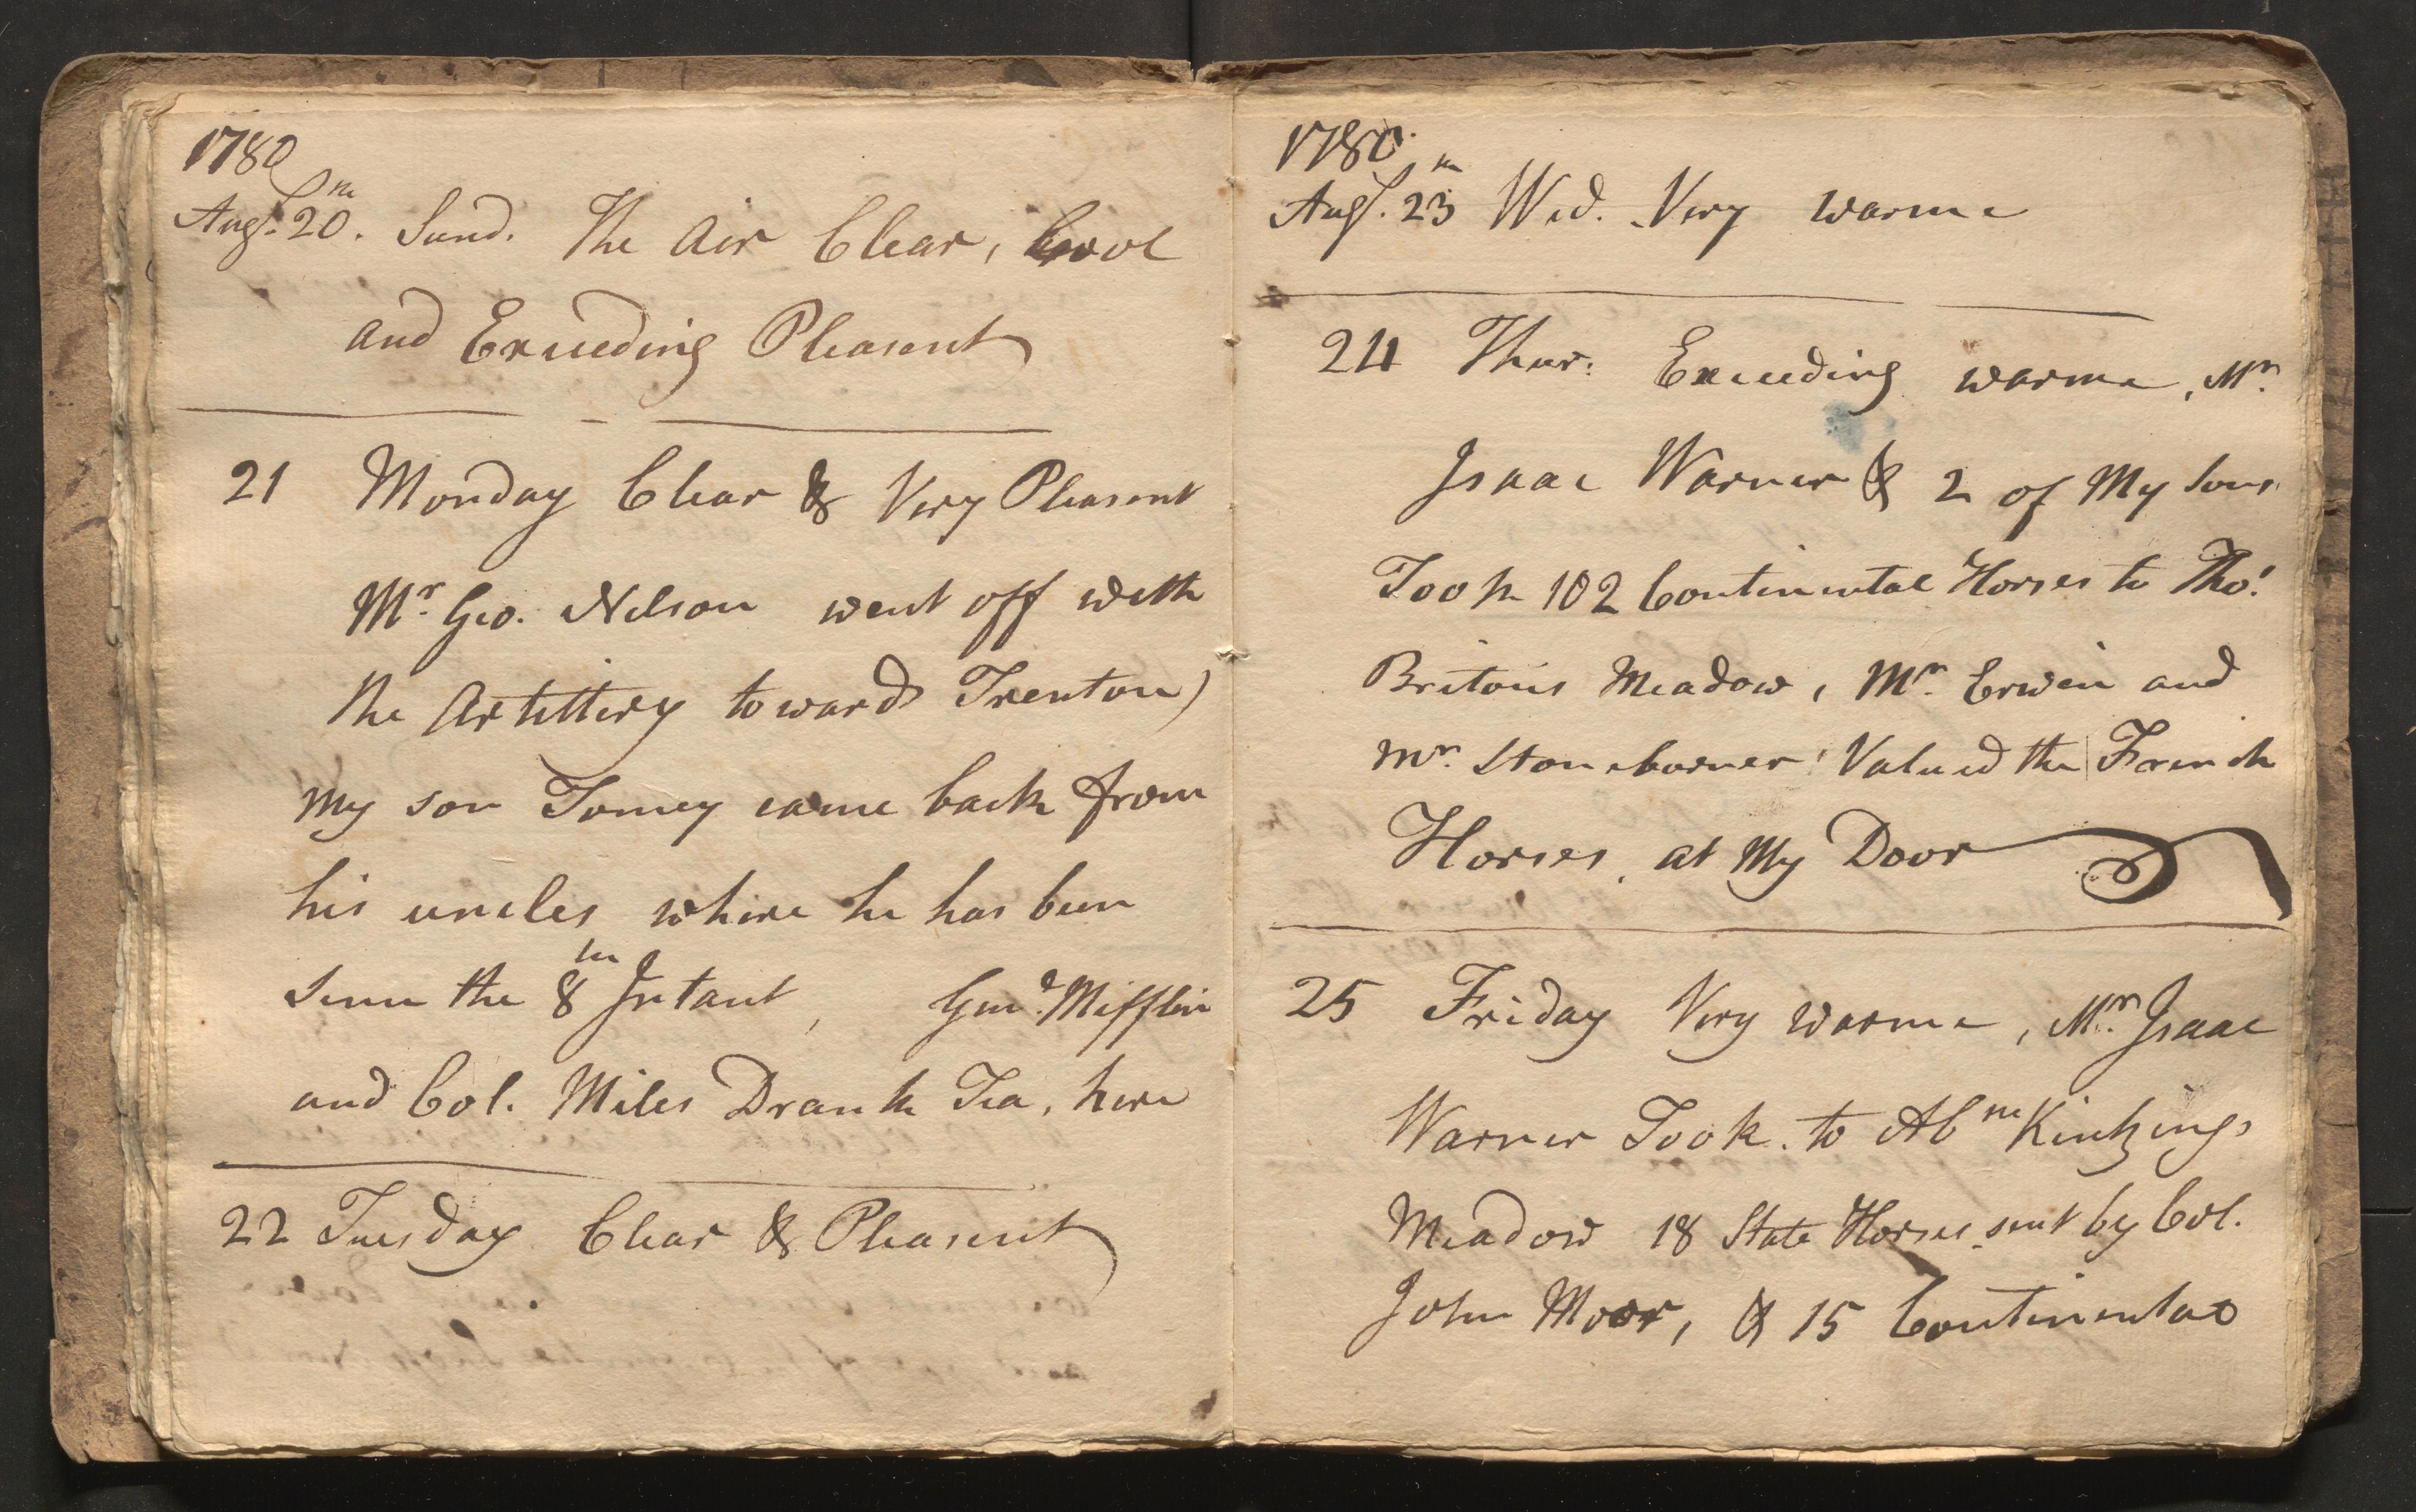1780
Aug^t. 20^th. Sund. The Air Clear, Cool
and Exceeding Pleasent
21 Monday Clear & Very Pleasent
M^r. Geo. Nelson went off with
the Artillery towards Trenton
My son Tomey came back from
his uncles where he has been
since the 8^th Intant Gen^l. Mifflin
and Col. Miles Drank Tea, here
22 Tuesday. Clear & Pleasent
1780
Aug^t. 23^th Wed. Very warme
24 Thur. Exceeding warme M^r.
Isaac Warner & 2 of My sons
Took 102 Continintal Horses to Tho^s.
Britons Meadow, M^r. Erwin and
M^r. Stoneburner Valued the French
Horses at My Door
25 Friday Very warme, M^r. Isaac
Warner Took, to Ab^m Kintzings
Miadow 18 State Horses sent by Col.
John Moor, & 15 Continental